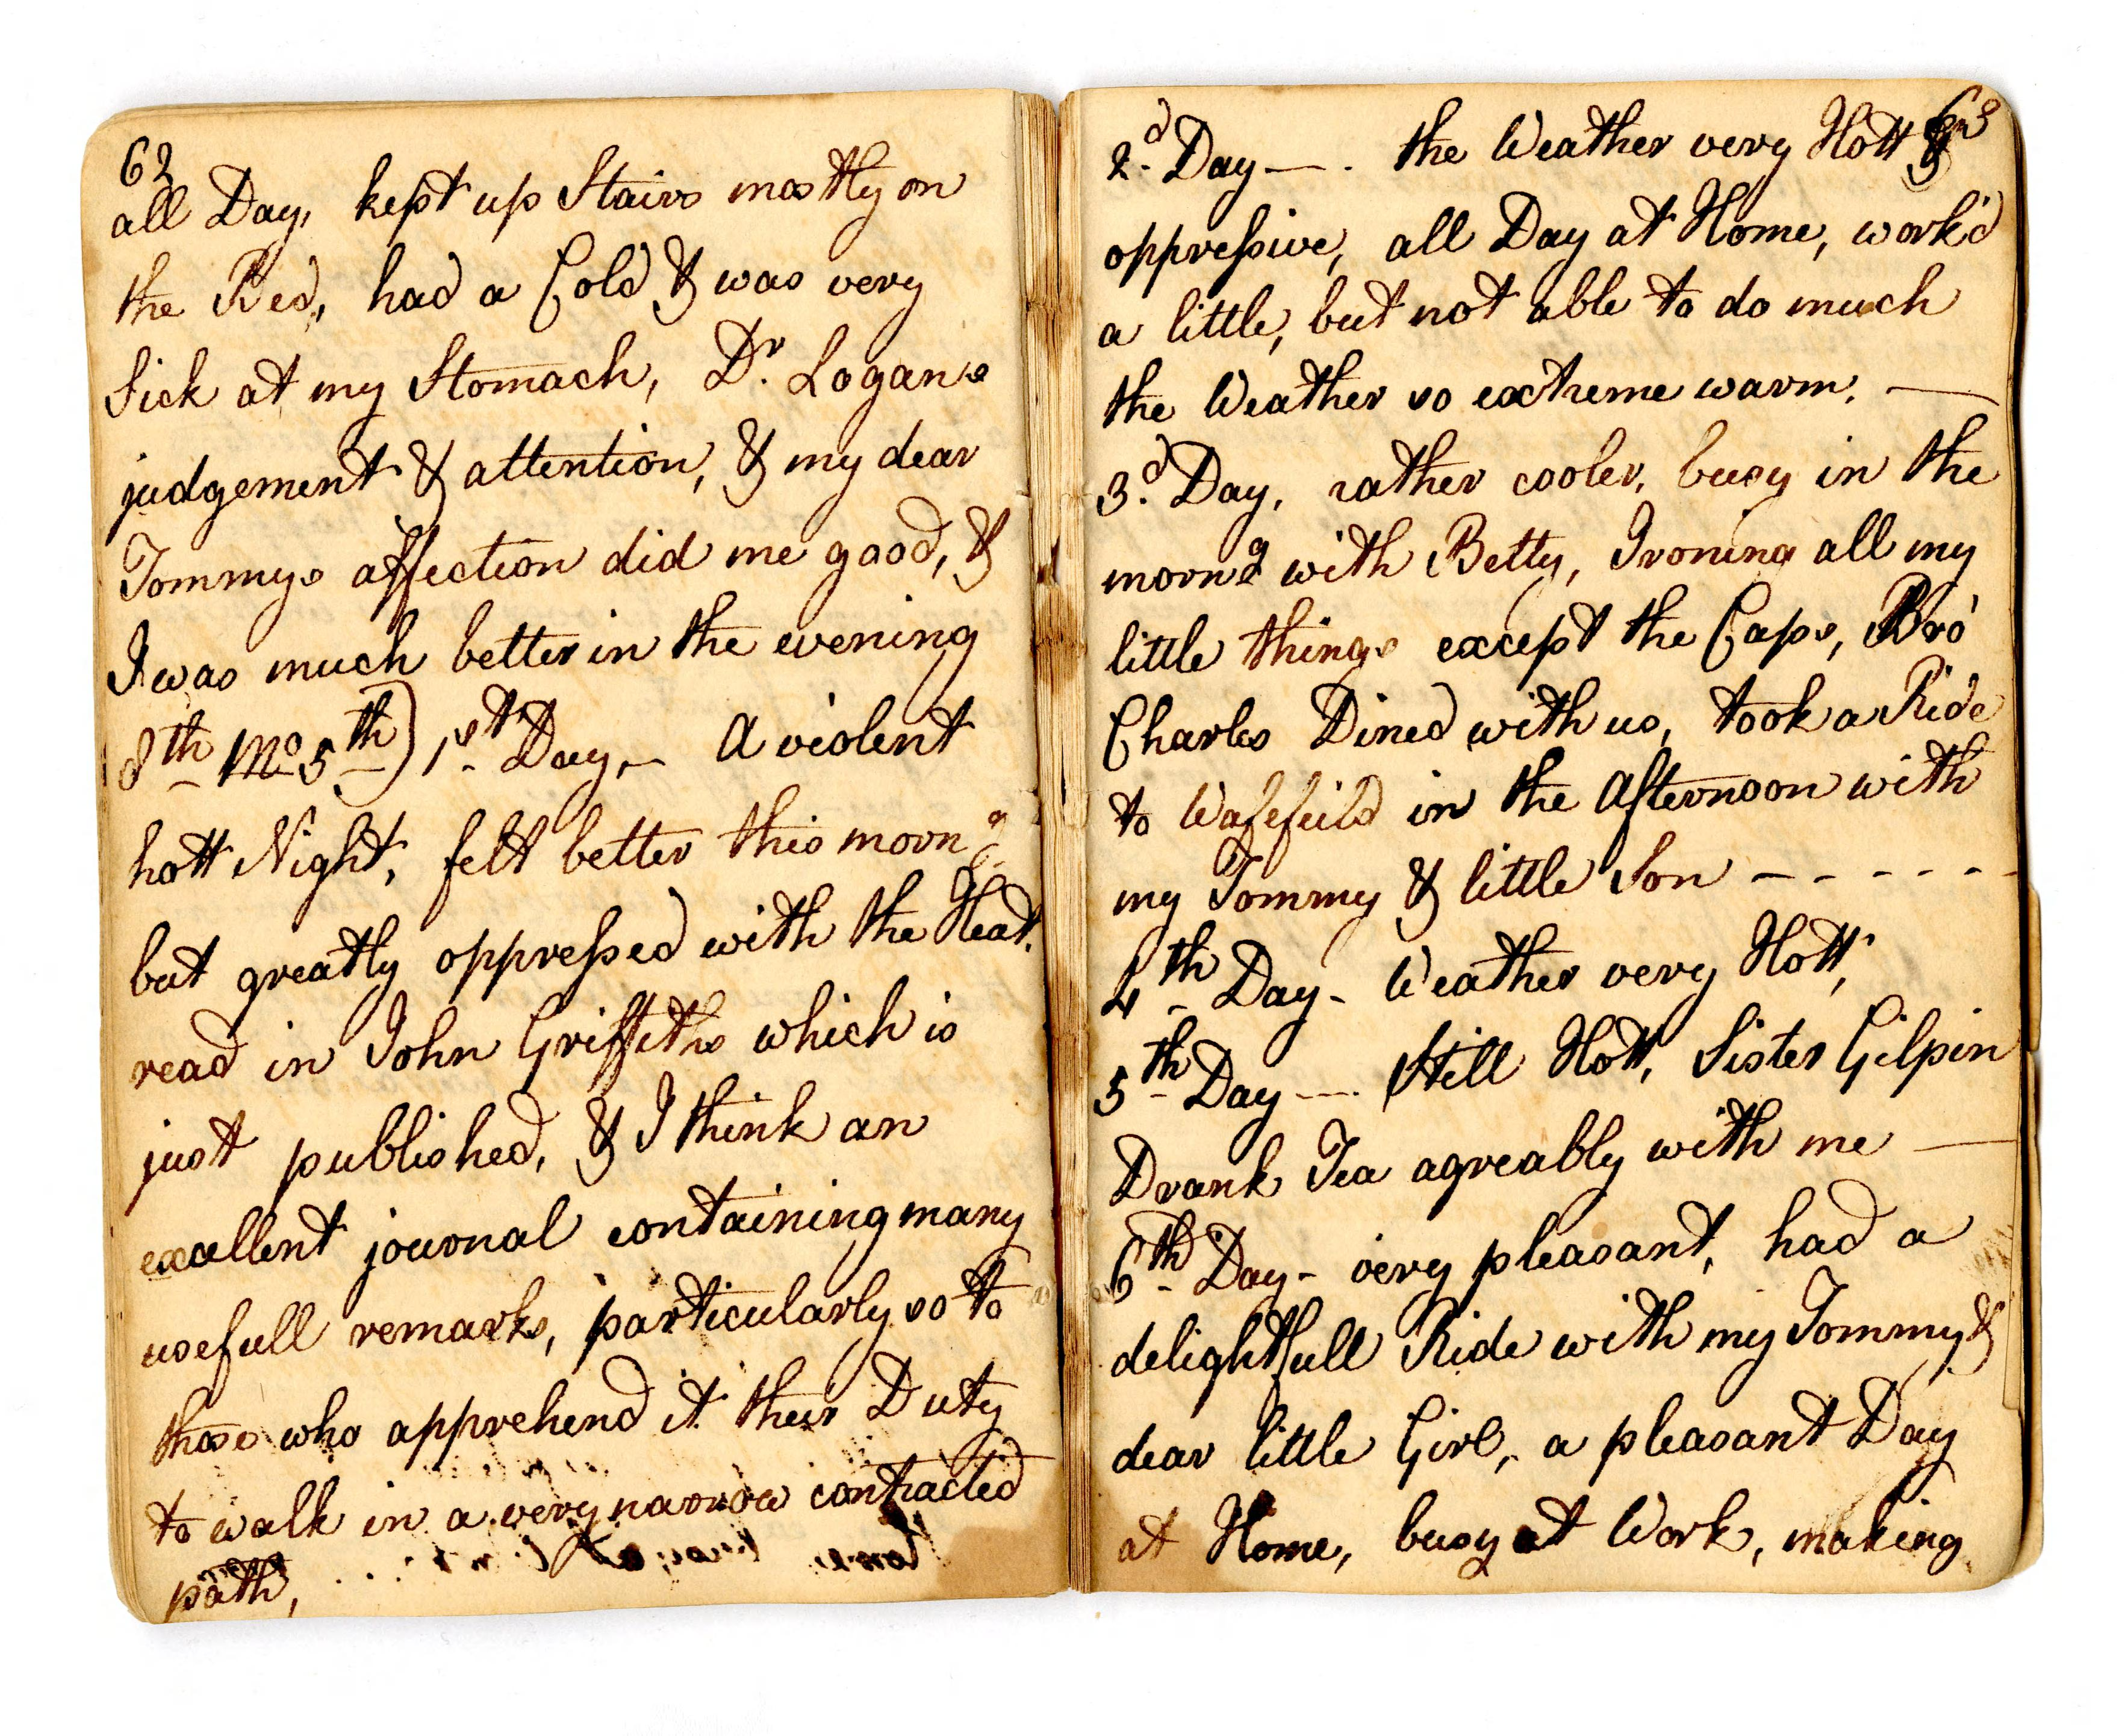all Day, kept up Stairs mostly on
the Bed, had a Cold & was very
Sick at my Stomach, D^r. Logans
judgement & attention, & my dear
Tommys affection did me good, &
I was much better in the evening
8^th M^o 5^th) 1^st Day- A violent
hott Night, felt better this morn^g
but greatly oppressed with the Heat,
read in John Griffiths which is
just published, & I think an
excellent journal containing many
usefull remarks, particularly so to
those who apprehend it their Duty
to walk in a very narrow contracted
path,
2^d. Day- the Weather very Hott &
oppressive, all Day at Home, work'd
a little, but not able to do much
the Weather so extreme warm.-
3^d. Day, rather cooler, busy in the
morn^g with Betty, Ironing all my
little things except the Caps, Bro'
Charles Dined with us, took a Ride
to Wafefeild in the Afternoon with
my Tommy & little Son-
4^th Day- Weather very Hott,
5^th Day- Still Hott, Sister Gilpin
Drank Tea agreably with me
6^th Day- very pleasant, had a
delightfull Ride with my Tommy &
dear little Girl, a pleasant Day
at Home, busy at Work, making